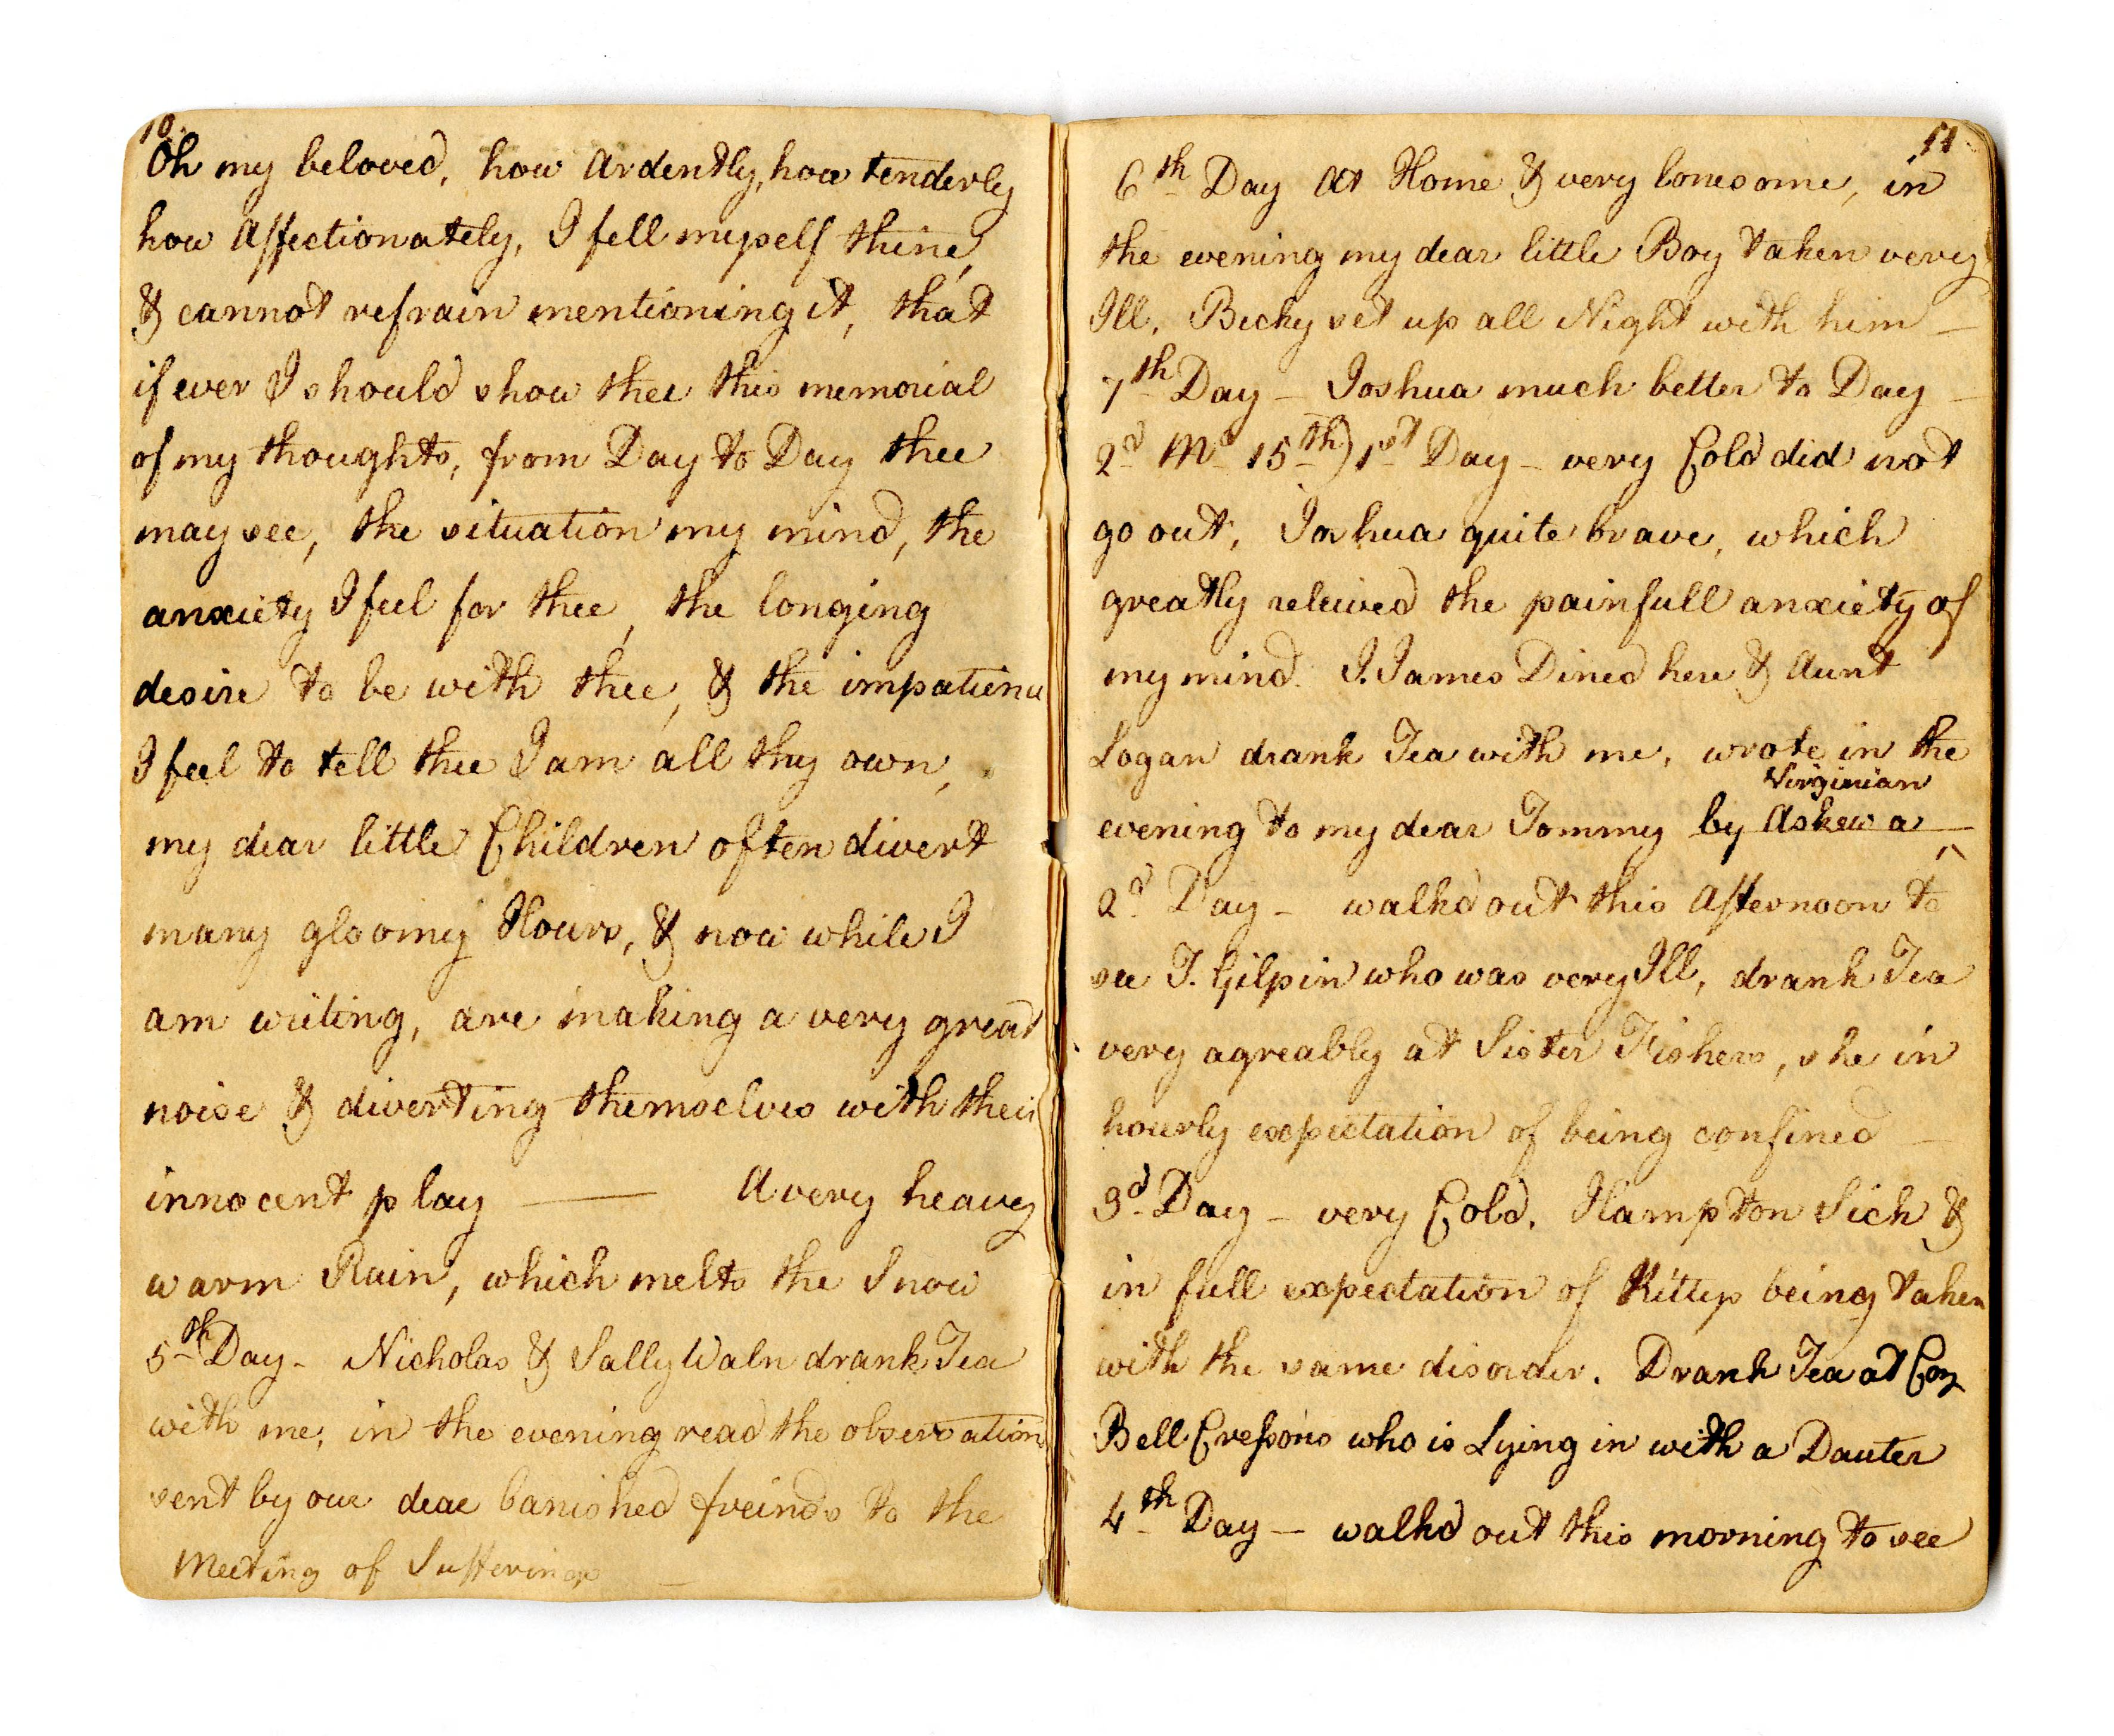10
Oh my beloved, how ardently, how tenderly
how Affectionately, I fell myself thine,
& cannot refrain mentioning it that
if ever I should show thee this memorial
of my thoughts, from Day to Day thee
may see, the situation my mind, the
anxiety I feel for thee, the longing
desire to be with thee, & the impatience
I feel to tell thee I am all thy own,
my dear little Children often divert
many gloomy Hours, & now while I
am writing, are making a very great
noise & diverting themselves with their
innocent play- A very heavy
warm Rain, which melts the Snow
5^th Day- Nicholas & Sally Waln drank Tea
with me, in the evening read the observation
sent by our dear banished freinds to the
Meeting of Sufferings
11
6^th Day At Home & very lonesome, in
the evening my dear little Boy taken very
Ill. Becky set up all Night with him-
7^th Day- Joshua much better to Day-
2^d M^o 15^th) 1^st Day- very Cold did not
go out, Joshua quite brave which
greatly releived the painfull anxiety of
my mind. I. James Dined here & Aunt
Logan drank Tea with me, wrote in the
Virginian
evening to my dear Tommy by Askewa ^
2^d. Day- walkd out this Afternoon to
see T. Gilpin who was very Ill, drank Tea
very agreably at Sister Fishers, she in
hourly expctation of being confined
3^d Day- very Cold, Hampton Sick &
in full expectation of Kittys being taken
with the same disorder. Drank Tea at Coz
Bell Cressons who is Lying in with a Dauter
4^th Day- walkd out this morning to see